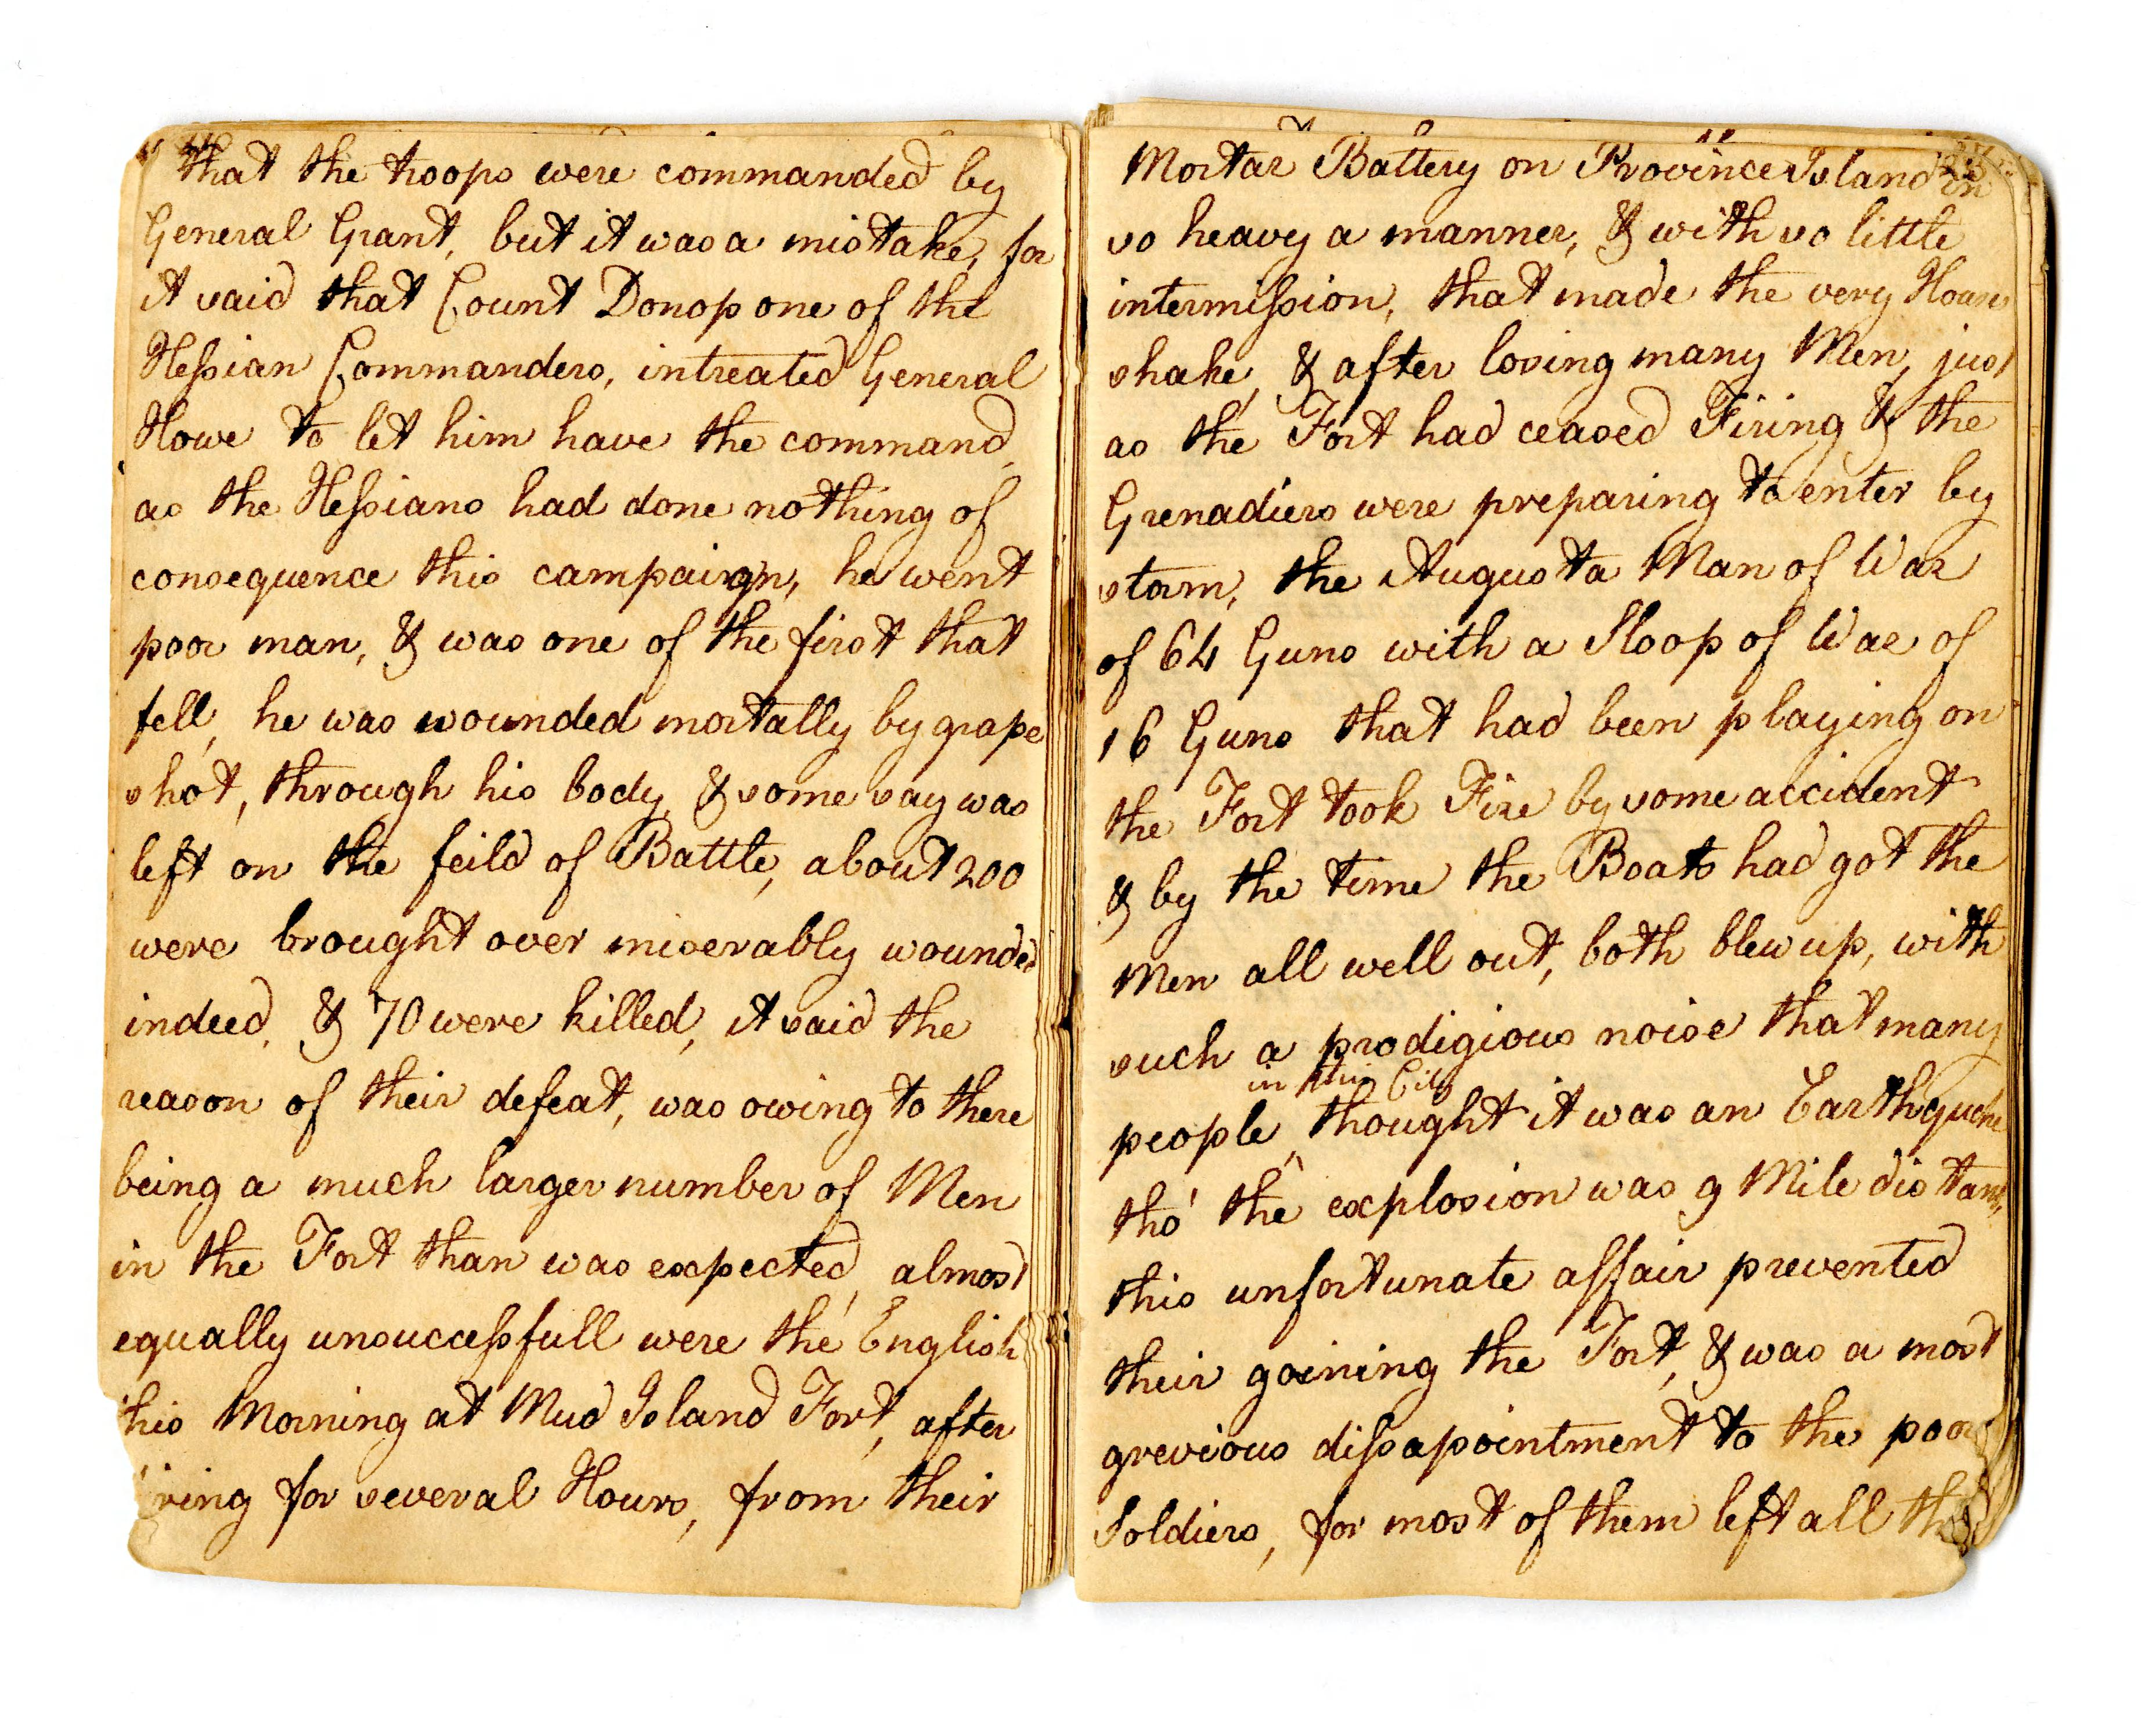that the troops were commanded by
General Grant, but it was a mistake, for
it said that Count Donopone of the
Hessian Commanders, intreated General
Howe to let him have the command
as the Hessians had done nothing of
consequence this campaign, ha went
poor man, & was one of the first that
fell, he was wounded mortally by grape
shot, through his body, & some say was
left on the feild of Battle, about 200
were brought over miserably wounded
indeed & 70 were killed it said the
reason of their defeat, was owing to there
being a much larger number of Men
in the Fort than was expected, almost
equally unsuccessfull were the English
[t]his Morning at Mud Island Fort, after
ving for several Hours, from their
23
Mortar Battery on Province Island in
so heavy a manner, & with so little
intermission, that made the very Houses
shake & after losing many Men, just
as the Fort had ceased Firing & the
Grenadiers were preparing to enter by
storm, the Augusta Man of War
of 64 Guns with a Sloop of War of
16 Guns that had been playing on
the Fort took Fire by some accident
& by the time the Boats had got the
Men all well out, both blewup, with
such a prodigious noise that many
in this City
people ^ thought it was an Earthquake
tho' the explosion was 9 Mile distance,
this unfortunate affair prevented
their goining the Fort & was a most
grevious dissapointment to the poor
Soldiers, for most of them left all th